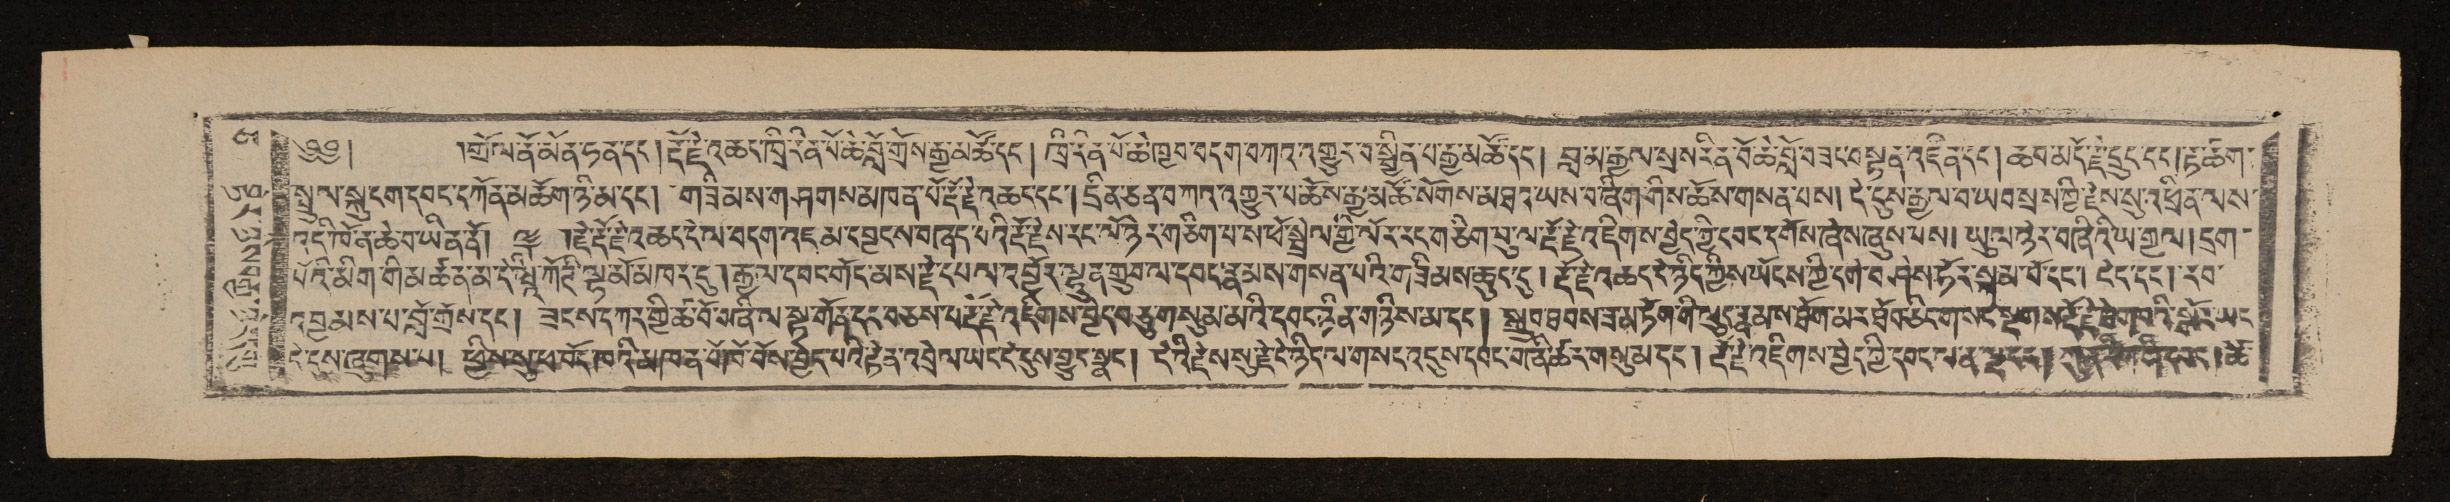༄༅། །གྲོལ་ནོ་མོན་ཧན་དང་། རྡོ་རྗེ་འཆང་ཁྲི་རིན་པོ་ཆེ་བློ་གྲོས་རྒྱ་མཚོ་དང་། ཁྲི་རིན་པོ་ཆེ་ཁྱབ་བདག་བཀའ་འགྱུར་བ་སྦྱིན་པ་རྒྱ་མཚོ་དང་། བླ་མ་རྒྱལ་སྲས་རིན་པོ་ཆེ་བློ་བཟང་བསྟན་འཛིན་དང་། ཆབ་མདོ་རྗེ་དྲུང་དང་། རྟ་ཚག་
སྤྲུལ་སྐུ་ངག་དབང་དཀོན་མཆོག་ཉི་མ་དང་། གཟིམས་གཤགས་མཁན་པོ་རྡོ་རྗེ་འཆང་དང་། དྲིན་ཅན་བཀའ་འགྱུར་པ་ཆོས་རྒྱ་མཚོ་སོགས་མཐའ་ཡས་པ་ཞིག་གིས་ཆོས་གསན་པས། དེ་དུས་རྒྱལ་བ་ཡབ་སྲས་ཀྱི་རྗེས་སུ་འཕྲིན་ལས་
འདི་ཁོ་ན་ཆེ་བ་ཡིན་ནོ། ༈ །རྗེ་རྡོ་རྗེ་འཆང་དེ་ལ་བདག་འཇམ་དབྱངས་བཞད་པའི་རྡོ་རྗེས་རང་ལོ་ཉེར་གཅིག་པ་ས་ཕོ་སྤྲེལ་གྱི་ལོར་རང་གཅིག་པུ་ལ་རྡོ་རྗེ་འཇིགས་བྱེད་ཀྱི་དབང་དགོས་ཞེས་ཞུས་པས། ཡུལ་ཉེར་བཞིའི་ཡ་གྱལ། དྲག་
པོའི་མིག་གི་མཚན་མ་དེ་ཝཱི་ཀོ་ཊི་ལྷ་མོ་མཁར་དུ། རྒྱལ་དབང་གོང་མས་རྗེ་དཔལ་འབྱོར་ལྷུན་གྲུབ་ལ་དབང་རྣམས་གསན་པའི་གཟིམས་ཆུང་དུ། རྡོ་རྗེ་འཆང་དེ་ཉིད་ཀྱིས་ཡོངས་ཀྱི་དགེ་བཤེས་ཧོར་སྐམ་པོ་དང་། ངེད་དང་། རབ་
འབྱམས་པ་བློ་གྲོས་དང་། ཟངས་དཀར་གྱི་ཚ་བོ་བཞི་ལ་སྟ་གོན་དང་བཅས་པ་རྡོ་རྗེ་འཇིགས་བྱེད་བཅུ་གསུམ་མའི་དབང་ཉིན་གཉིས་མ་དང་། སྒྲུབ་ཐབས་ཟ་མ་ཏོག་གི་ལུང་རྣམས་ཐོག་མར་ཐོབ་ཅིང་གསང་སྔགས་རྡོ་རྗེ་ཐེག་པའི་སྒོར་ཡང་
དེ་དུས་ཞུགས་པ། ཕྱིས་སུ་ཕ་བོང་ཁའི་མཁན་པོ་ཁོ་བོས་བྱེད་པའི་རྟེན་འབྲེལ་ཡང་དེ་དུས་བྱུང་སྣང་། དེའི་རྗེས་སུ་རྗེ་དེ་ཉིད་ལ་གསང་འདུས་དབང་བཞི་ཚར་གསུམ་དང་། རྡོ་རྗེ་འཇིགས་བྱེད་ཀྱི་དབང་ལན་ལྔ་དང་། ཀུན་རིག་གི་དབང་། ཚེ་